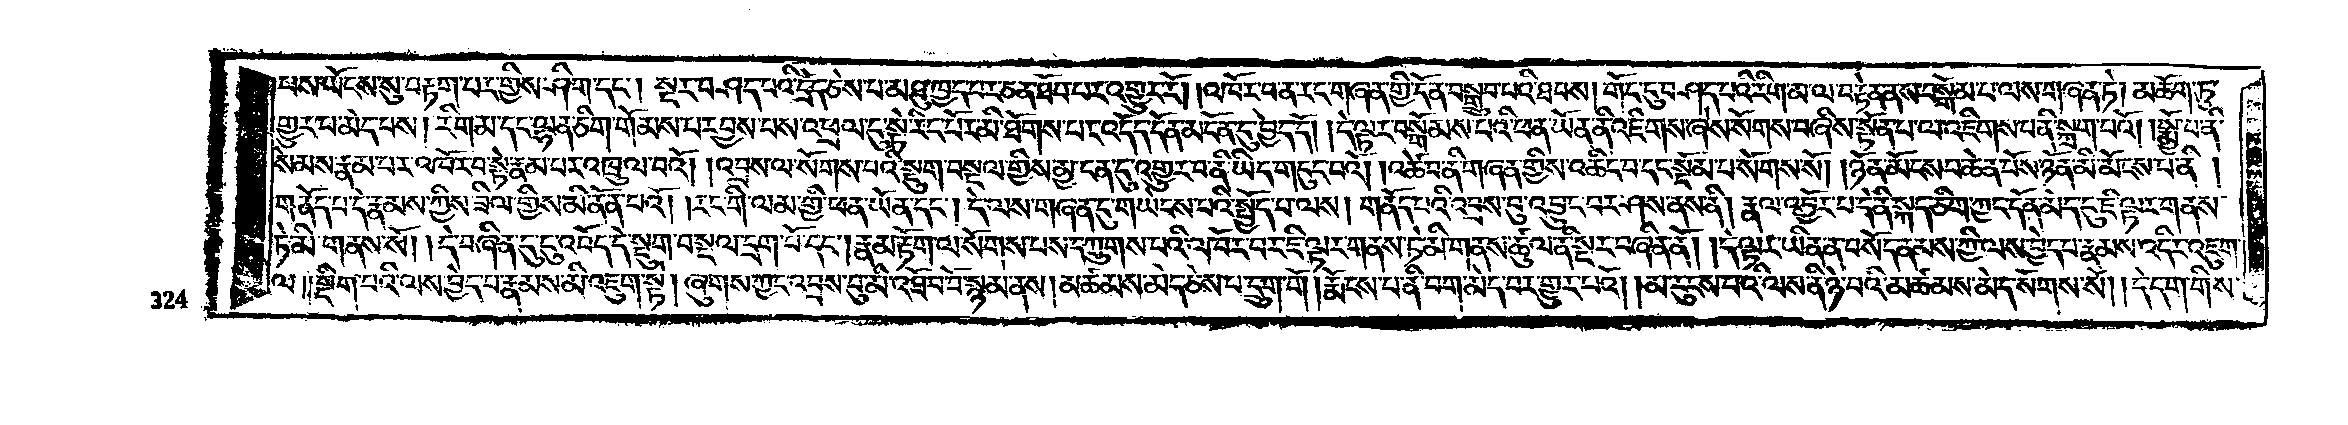པས་ཡོངས་སུ་བརྟག་པར་གྱིས་ཤིག་དང་། སྔར་བཤད་པའི་དྲོད་ཅེས་པ་མཐུ་ཁྱད་པར་ཅན་ཐོབ་པར་འགྱུར་རོ། །འཁོར་བ་ན་རང་གཞན་གྱི་དོན་བསྒྲུབ་པའི་ཐབས། གོང་དུ་བཤད་པའི་རིག་མ་ལ་བརྟེན་ནས་བསྒོམ་པ་ལས་གཞན་ཏེ། མཆོག་ཏུ་
གྱུར་བ་མེད་པས། རིག་མ་དང་ལྷན་ཅིག་གོམས་པར་བྱས་པས་འཕྲལ་དུ་སྟེ་རིང་པོར་མི་ཐོགས་པར་འདོད་དོན་མངོན་དུ་བྱེད་དོ། །དེ་ལྟར་བསྒོམས་པའི་ཕན་ཡོན་ནི་འཇིགས་ཞེས་སོགས་བཞིས་སྟོན་པ་ལ་འཇིགས་པ་ནི་སྐྲག་པའོ། །སྨྱོ་པ་ནི་
སེམས་རྣམ་པར་འཁོར་བ་སྟེ་རྣམ་པར་འཁྲུལ་བའོ། །འབྲས་ལ་སོགས་པའི་སྡུག་བསྔལ་གྱིས་མྱ་ངན་དུ་འགྱུར་བ་ནི་ཡིད་གདུད་བའོ། །འཚེ་བ་ནི་གཞན་གྱིས་འཆིང་བ་དང་སྡོམ་པ་སོགས་སོ། །ཉོན་མོངས་པ་ཆེན་པོས་ཉོན་མི་མོངས་པ་ནི།
གནོད་པ་དེ་རྣམས་ཀྱིས་ཟིལ་གྱིས་མི་ནོན་པའོ། །རང་གི་ལམ་གྱི་ཕན་ཡོན་དང་། དེ་ལས་གཞན་དུ་གཡེངས་པའི་སྤྱོད་པ་ལས། གནོད་པའི་འབྲས་བུ་འབྱུང་བར་ཤས་ནས་ནི། རྣལ་འབྱོར་བ་དེ་ནི་སྐད་ཅིག་ཀྱང་དོན་མེད་དུ་ཇི་ལྟར་གནས་
ཏེ་མི་གནས་སོ། །དེ་བཞིན་དུ་ངུ་འབོད་དེ་སྡུག་བསྔལ་དྲག་པོ་དང་། རྣམ་རྟོག་ལ་སོགས་པས་དཀྲུགས་པའི་འཁོར་བར་ཇི་ལྟར་གནས་ཏེ་མི་གནས་ཚུལ་ནི་སྔར་བཞིན་ནོ། །དེ་ལྟར་ཡིན་ན་བསོད་ནམས་ཀྱི་ལས་བྱེད་པ་རྣམས་འདིར་འཇུག་
ལ། །སྡིག་པའི་ལས་བྱེད་པ་རྣམས་མི་འཇུག་སྟེ། ཞུགས་ཀྱང་འབྲས་བུ་མི་འཐོབ་བོ་སྙམ་ནས། མཚམས་མེད་ཅེས་པ་དྲུག་གོ །རྨོངས་པ་ནི་བག་མེད་པར་གྱུར་པའོ། །མ་རུངས་པའི་ལས་ནི་ཉེ་བའི་མཚམས་མེད་སོགས་སོ། །དེ་དག་གིས་